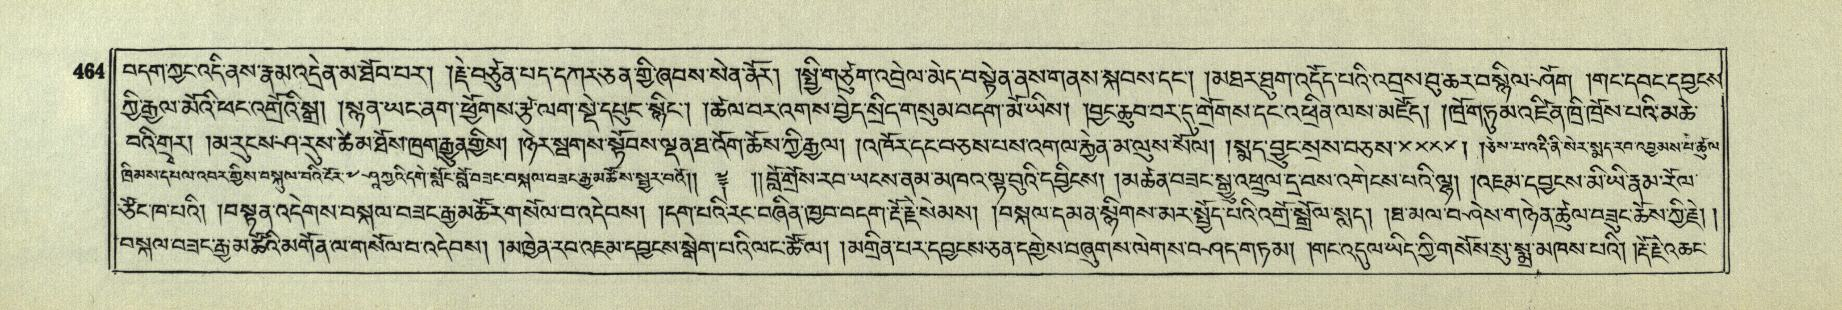བདག་ཀྱང་འདི་ནས་རྣམ་འདྲེན་མ་ཐོབ་པར། །རྗེ་བཙུན་པད་དཀར་ཅན་གྱི་ཞབས་སེན་ནོར། །སྤྱི་གཙུག་འབྲེལ་མེད་བསྟེན་ནས་གནས་སྐབས་དང་། །མཐར་ཐུག་འདོད་པའི་འབྲས་བུ་ཆར་བསྙིལ་ཤོག །གང་དབང་དབྱངས་
ཀྱི་རྒྱལ་མོའི་ཕང་འགྲོའི་སྒྲ། །སྙན་ཡང་ནག་ཕྱོགས་རྩ་ལག་སྡེ་དཔུང་སྙིང་། །ཚལ་བར་འགས་བྱེད་སྲིད་གསུམ་བདག་མོ་ཡིས། །བྱང་ཆུབ་བར་དུ་གྲོགས་དང་འཕྲིན་ལས་མཛོད། །ཁྲོ་གཏུམ་འཛིན་ཁྲི་ཁྲོས་པའི་མཆེ་
བའི་གྲྭར། །མ་རུངས་ཤ་རུས་ཚེམ་ཐོས་ཁྲག་རྒྱུན་གྱིས། །ཉེར་སྦགས་སྟོབས་ལྡན་ཐ་འོག་ཆོས་ཀྱི་རྒྱལ། །འཁོར་དང་བཅས་པས་འགལ་རྐྱེན་མ་ལུས་སོལ། །སྨད་བྱུང་སྲས་བཅས་྾྾྾྾། །ཅེས་པ་འདི་ནི་སེར་སྨད་རབ་འབྱམས་པ་ཚུལ་
ཁྲིམས་དཔལ་འབར་གྱིས་བསྐུལ་བའི་ངོར ༧ཤཱཀྱའི་དགེ་སློང་བློ་བཟང་བསྐལ་བཟང་རྒྱ་མཚོས་སྦྱར་བའོ།། འ་།།བློ་གྲོས་རབ་ཡངས་ནམ་མཁའ་ལྟ་བུའི་དབྱིངས། །མཚན་བཟང་སྒྱུ་འཕྲུལ་དྲ་བས་འགེངས་པའི་ལྷ། །འཇམ་དབྱངས་མི་ཡི་རྣམ་རོལ་
ཙོང་ཁ་པའི། །བསྟན་འདེགས་བསྐལ་བཟང་རྒྱ་མཚོར་གསོལ་བ་འདེབས། །དག་པའི་རང་བཞིན་ཁྱབ་བདག་རྡོ་རྗེ་སེམས། །བསྐལ་དམན་སྙིགས་མར་སྤྱོད་པའི་འགྲོ་སྒྲོལ་སླད། །ཐ་མལ་བཤེས་གཉེན་ཚུལ་བཟུང་ཆོས་ཀྱི་རྗེ། །
བསྐལ་བཟང་རྒྱ་མཚོའི་མགོན་ལ་གསོལ་བ་འདེབས། །མཁྱེན་རབ་འཇམ་དབྱངས་སྒེག་པའི་ལང་ཚོ་ལ། །མགྲིན་པར་དབྱངས་ཅན་དགྱེས་བཞུགས་ལེགས་བཤད་གཏམ། །གང་འདུལ་ཡིད་ཀྱི་གསོས་སུ་སྨྲ་མཁས་པའི། །རྡོ་རྗེ་འཆང་